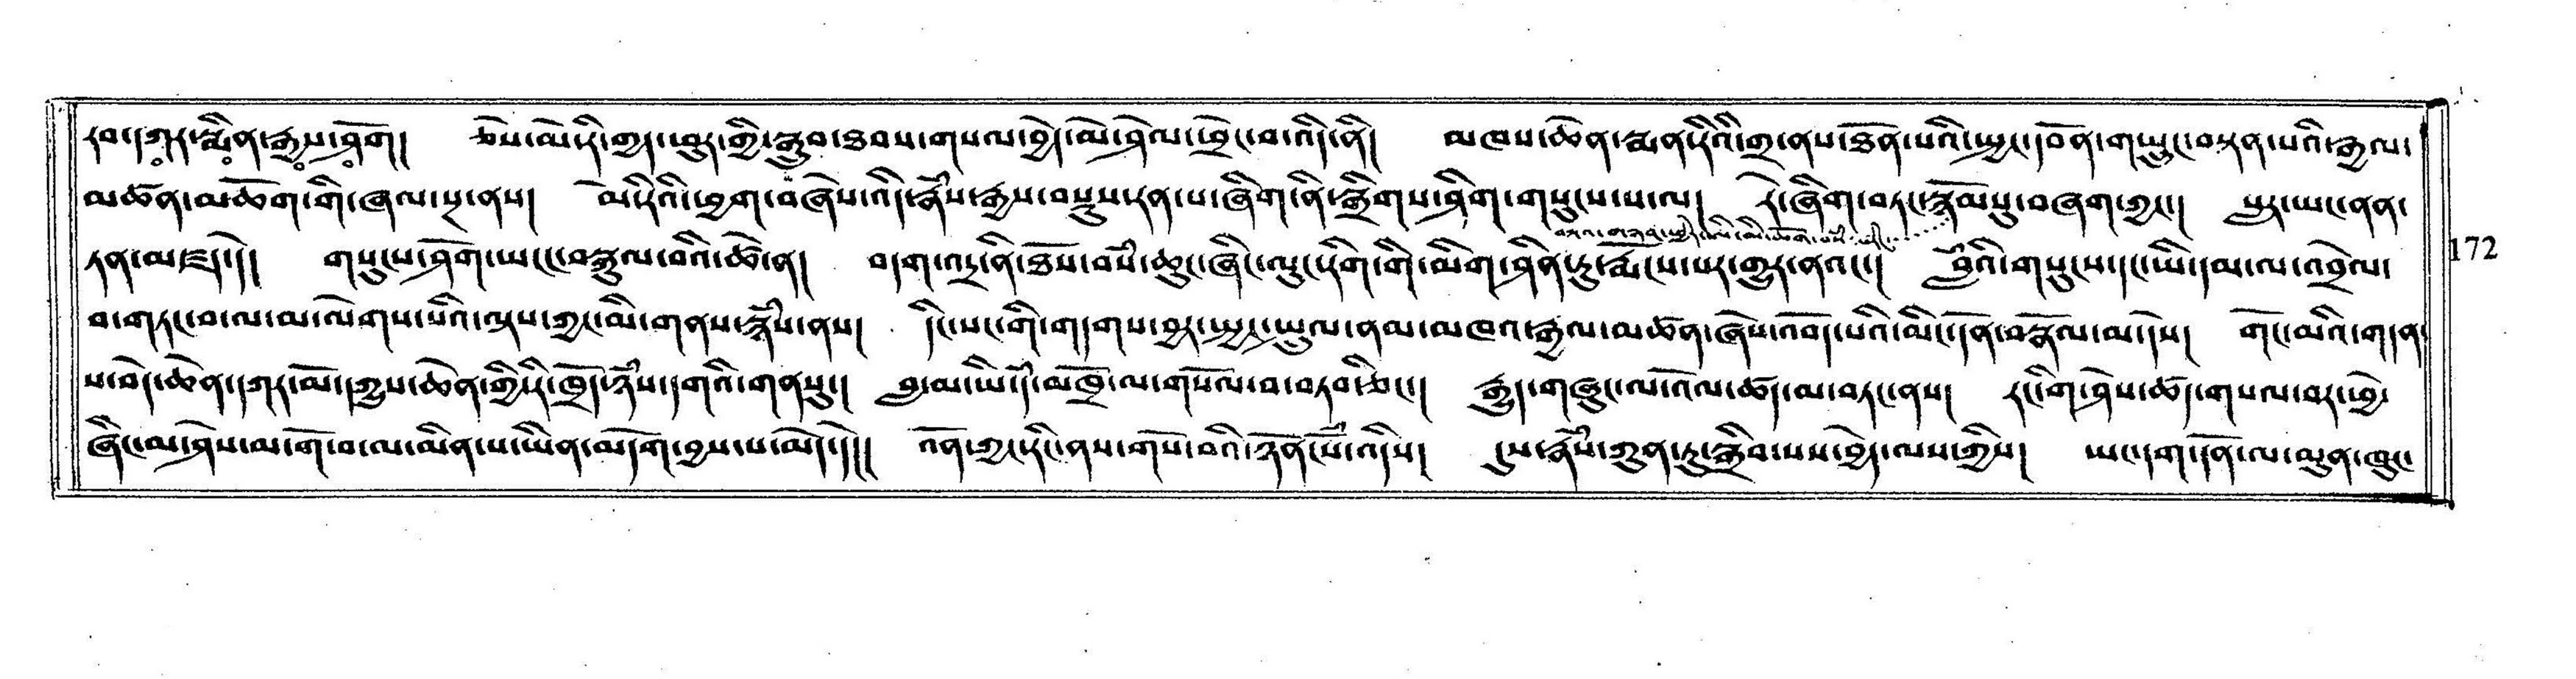རབ་དཀར༷་སྨིན༷་རྒྱས༷་ཤོག༷ ཅེས་མེ་རི་གྱད་ཕུར་གྱི་སྒྲུབ་ཐབས་གསལ་བྱེད་མེ་ཤེལ་ཕྲེང་བ་འདི་ནི། མཁས་ཆེན་སྨན་རིའི་གྲ་ནས་ཐོན་པའི་སྤྱང་དབོན་གཡུང་དྲུང་བསྟན་པའི་རྒྱལ་
མཚན་མཆོག་གི་ཞལ་སྔ་ནས། མེ་རིའི་ཕྱག་བཞེས་འདི་རྣམས་རྒྱས་བསྡུས་རན་པ་ཞིག་ནི་སྒྲིགས་ཤིག་གསུངས་པ་ལ། རེ་ཞིག་བཏང་སྙོམས་(བཀའ་གཉན་ཕྱིར་ཨི་མི་ཆོག་བསམ་ཞིང་)་སུ་བཞག་ཀྱང་། སླར་ཡང་ནན་
ཏན་མཛད་དེ། གསུང་ཤོག་ཡང་ཡང་བསྐུལ་བའི་ཚེ་ན། བདག་འདྲ་ནི་ཐོས་བསམ་ཆུང་ཞིང་ལུང་རིག་གི་མིག་ཤིན་ཏུ་རྨོངས་པར་གྱུར་ནའང་། བླ་མའི་གསུངས་དང་ཡི་དམ་ལ་འབྲེལ་
བ་གཏང་བ་ལ་མ་ལེགས་པའི་ལྟས་ཀྱང་མི་གནས་སྙམས་ནས། དིང་སང་གི་གདགས་བྱར་སྤྱང་སྤྲུལ་ནམ་མཁའ་རྒྱལ་མཚན་ཞེས་འབོད་པའི་མིང་དོན་བསྣོལ་མ་དེས། གོང་མའི་གདན་
ས་བདེ་ཆེན་དཀར་མོ་དཀྱུས་ཆེན་གྱི་རི་ཁྲོད་ཉམས་དགའི་གནས་སུ། བླ་མ་ཡི་དམ་མཁའ་འགྲོ་ལ་གསོལ་བ་བཏབ་ཅིང་། རྒྱུད་གཞུང་ལ་འོལ་ཚད་མ་བཏང་ནས། རང་གི་ཤེས་ཚད་གསལ་བར་ཕྱེ་
ཞིང་མ་ཤེས་མ་གོ་བ་ལ་མིན་པ་ཡིན་མདོག་བྱས་པ་མེད་དེ།། འོན་ཀྱང་རིང་ནས་གསོ་བའི་ཉོན་མོངས་འདིས། དུས་རྣམས་ཀུན་ཏུ་སྒྲིབ་པས་བྱེད་ལས་ཀྱིས། ཡང་དག་དོན་ལ་མུན་ཁུང་